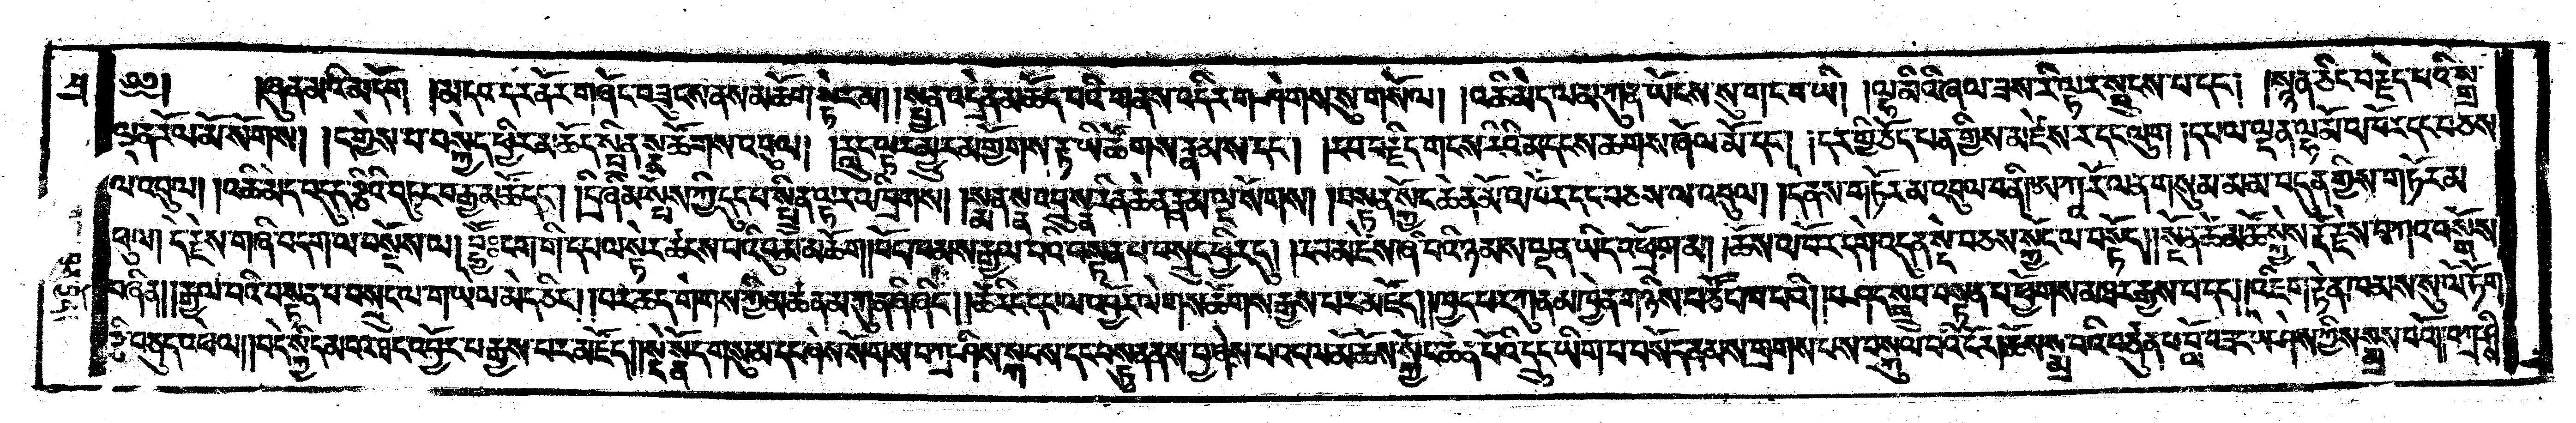༄༅། །ཞུན་མའི་མདོག །མདའ་དར་ནོར་གཞོང་བཟུངས་ནས་མཆོག་སྟེར་མ། །སྤྱན་འདྲེན་མཆོད་པའི་གནས་འདིར་གཤེགས་སུ་གསོལ། །འཆི་མེད་ལམ་ཀུན་ཡོངས་སུ་གང་བ་ཡི། །ལྷ་མིའི་ཞལ་ཟས་རི་ལྟར་སྤུངས་པ་དང་། །སྙན་ཅིང་བརྗེད་པའི་སྒྲ་
ལྡན་རོལ་མོ་སོགས། །དགྱེས་པ་བསྐྱེད་ཕྱིར་མཆོད་སྤྲིན་སྣ་ཚོགས་འབུལ། །རླུང་ལྟར་མྱུར་མགྱོགས་རྟ་ཡི་ཚོགས་རྣམས་དང་། །རབ་བརྗིད་གངས་རིའི་མདངས་ཆགས་ཞོལ་མོ་དང་། །དར་གྱི་ཅོད་པན་གྱིས་མཛེས་ར་དང་ལུག །དཔལ་ལྡན་ལྷ་མོ་འཁོར་དང་བཅས་
ལ་འབུལ། །འཆི་མེད་བདུད་རྩིའི་བཏུང་བརྒྱ་མཚོ་དང་། །དྲི་ཞིམ་སྤོས་ཀྱི་དུད་པ་སྤྲིན་ལྟར་འཁྲིགས། །སྨན་སྣ་འབྲུ་སྣ་རིན་ཆེན་རྣམ་ལྔ་སོགས། །བསྟན་སྐྱོང་ཆེན་མོ་འཁོར་དང་བཅས་ལ་འབུལ། །དེ་ནས་གཏོར་མ་འབུལ་བ་ནི། ཨ་ཀཱ་རོ་ལན་གསུམ་མམ་བདུན་གྱིས་གཏོར་མ་
ཕུལ། དེ་རྗེས་གཞི་བདག་ལ་བསྔོས་ལ། བྷྱཽཿ ངག་གི་དཔལ་སྟེར་ཚངས་པའི་བུ་མོ་མཆོག །བོད་ཁམས་རྒྱལ་བའི་བསྟན་པ་བསྲུང་ཕྱིར་དུ། །རབ་མཛེས་ཞི་བའི་ཉམས་ལྡན་ཡིད་འཕྲོག་མ། །ཆོས་འཁོར་དགེ་འདུན་སྡེ་བཅས་སྐྱོང་ལ་བསྟོད། །སྔོན་ཚེ་མཚོ་སྐྱེས་རྡོ་རྗེས་བཀའ་བསྒོས་
བཞིན། །རྒྱལ་བའི་བསྟན་པ་བསྲུང་ལ་གཡལ་མེད་ཅིང་། །བར་ཆད་གེགས་ཀྱི་མཚན་མ་ཀུན་ཞི་ཞིང་། །ཚེ་རིང་དཔལ་འབྱོར་ལེགས་ཚོགས་རྒྱས་པར་མཛོད། །ཁྱད་པར་ཀུན་མཁྱེན་གཉིས་པ་ཙོཨང་ཁ་པའི། །བཤད་སྒྲུབ་བསྟན་པ་ཕྱོགས་མཐར་རྒྱས་པ་དང་། །འཇིག་རྟེན་ཁམས་སུ་ལོ་ཏོག་
རྩི་བཅུད་འཕེལ། །བདེ་སྐྱིད་མངའ་ཐང་འབྱོར་པ་རྒྱས་པར་མཛོད། །སྡེ་སྣོད་གསུམ་དང་ཞེས་སོགས་བཀྲ་ཤིས་སྐབས་དང་བསྟུན་ནས་བྱ་ཞེས་པའང་ལ་མོ་ཆོས་སྐྱོང་ཆེན་པོའི་དྲུང་ཡིག་པ་བསོད་ནམས་གྲགས་པས་བསྐུལ་བའི་ངོར་།ཆོས་སྨྲ་བའི་བཙུན་པ་བློ་བཟང་ཡེ་ཤེས་ཀྱིས་སྨྲས་པའོ། །བཀྲ་ཤིས་